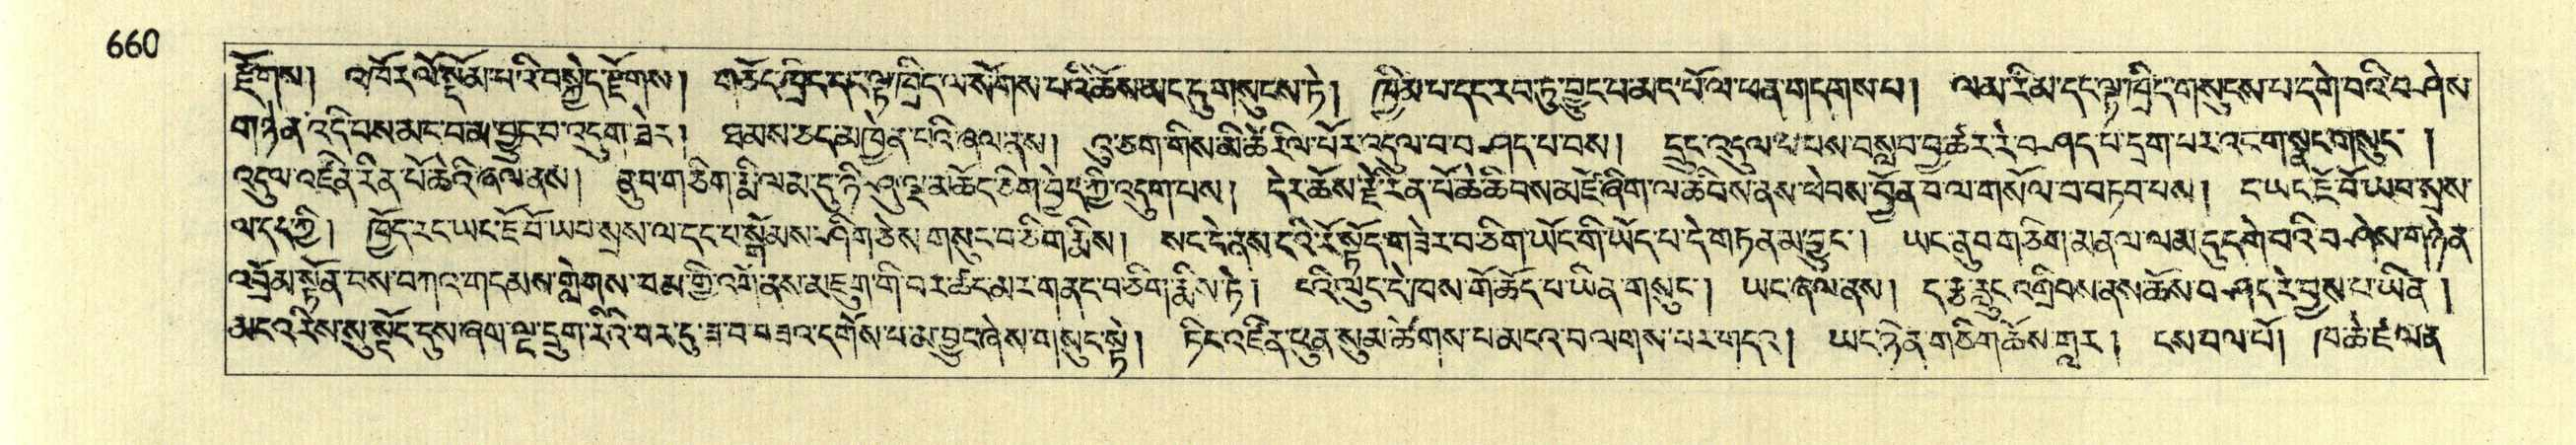རྫོགས། འཁོར་ལོ་སྡོམ་པའི་བསྐྱེད་རྫོགས། གཅོད་ཁྲིད་དང་ལྟ་ཁྲིད་ལ་སོགས་པའི་ཆོས་མང་དུ་གསུངས་ཏེ། ཁྱིམ་པ་དང་རབ་ཏུ་བྱུང་པ་མང་པོ་ལ་ཕན་གདགས་པ། ལམ་རིམ་དང་ལྟ་ཁྲིད་གསུངས་པ་དགེ་བའི་བཤེས་
གཉེན་འདི་བས་མང་བ་མ་བྱུང་བ་འདུག་ཟེར། ཐམས་ཅད་མཁྱེན་པའི་ཞལ་ནས། འུ་ཅག་གིས་མི་ཚེ་རིལ་པོར་འདུལ་བ་བཤད་པ་བས། དྲུང་འདུལ་པ་པས་བསླབ་བྱ་ཚར་རེ་བཤད་པ་དྲག་པར་འདག་སྣང་གསུང་།
འདུལ་འཛིན་རིན་པོ་ཆེའི་ཞལ་ནས། ནུབ་གཅིག་རྨི་ལམ་དུ་ཉི་ཤུ་ལྔ་མཆོད་ཅིག་བྱེད་ཀྱི་འདུག་པས། དེར་ཆོས་རྗེ་རིན་པོ་ཆེ་ཆིབས་མཛོ་ཞིག་ལ་ཆིབས་ནས་ཕེབས་བྱོན་བ་ལ་གསོལ་བ་བཏབ་པས། ང་ཡང་ཇོ་བོ་ཡབ་སྲས་
ལ་དད་ཀྱི། ཁྱོད་རང་ཡང་ཇོ་བོ་ཡབ་སྲས་ལ་དང་པ་སྒོམས་ཤིག་ཅེས་གསུང་བ་ཅིག་རྨིས། སང་དེ་ནས་ངའི་རོ་སྟོད་གཟེར་བ་ཅིག་ཡོང་གི་ཡོད་པ་དེ་གཏན་མ་བྱུང་། ཡང་ནུབ་གཅིག་མནལ་ལམ་དུ་དགེ་བའི་བཤེས་གཉེན་
འབྲོམ་སྟོན་བས་བཀའ་གདམས་གླེགས་བམ་གྱི་འགོ་ནས་མཇུག་གི་བར་ཚད་མར་གནང་བ་ཅིག་རྨིས་ཏེ། ངའི་ལུང་དེ་ཁས་གོ་ཆོད་པ་ཡིན་གསུང་། ཡང་ཞལ་ནས། ད་རྩ་རླུང་འགྲིབས་ནས་ཆོས་བཤད་རེ་བྱས་པ་ཡིན།
མངའ་རིས་སུ་སྡོང་དུས་ཞག་ལྔ་དྲུག་རིའི་བར་དུ་ཟ་བ་བཟའ་དགོས་པ་མ་བྱུང་ཞེས་གསུང་སྟེ། ཏིང་འཛིན་ཕུན་སུམ་ཚོགས་པ་མངའ་བ་ལགས་པར་གདའ། ཡང་ཉིན་གཅིག་ཆོས་གླར། ངས་བལ་པོ། ཁ་ཆེ་རྫ་ལན་